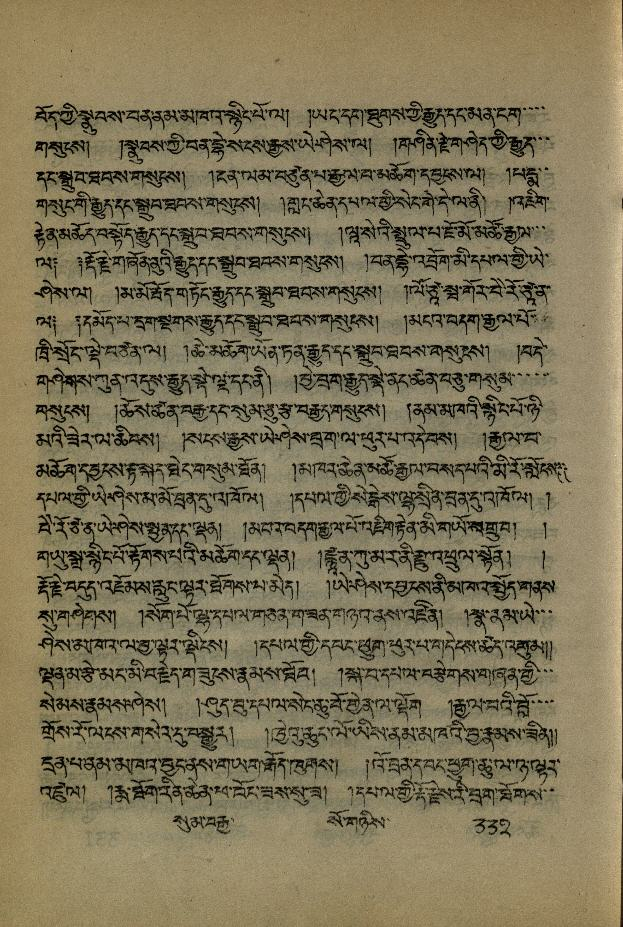བོད་ཀྱི་སྣུབས་བན་ནམ་མཁའ་སྙིང་པོ་ལ། །ཡང་དག་ཐུགས་ཀྱི་རྒྱུད་དང་མན་ངག་
གསུངས། །སྣུབས་ཀྱི་བན་དྷེ་སངས་རྒྱས་ཡེ་ཤེས་ལ། །གཤིན་རྗེ་གཤེད་ཀྱི་རྒྱུད་
དང་སྒྲུབ་ཐབས་གསུངས། །ངན་ལམ་བཙུན་པ་རྒྱལ་བ་མཆོག་དབྱངས་ལ། །པདམ་
གསུང་གི་རྒྱུད་དང་སྒྲུབ་ཐབས་གསུངས། །གླང་ཆེན་དཔལ་སེང་གེ་དེ་ལ་ནི། །འཇིག་
རྟེན་མཆོད་བསྟོད་རྒྱུད་དང་སྒྲུབ་ཐབས་གསུང་། །ལཱ་སེའི་སྤྲུལ་པ་ཇོ་མོ་མཚོ་རྒྱལ་
ལ༑ ༑རྡོ་རྗེ་གཞོན་ནུའི་རྒྱུད་དང་སྒྲུབ་ཐབས་གསུངས། །བན་དྷེ་འབྲོག་མི་དཔལ་གྱི་ཡེ་
ཤེས་ལ། །མ་མོ་རྦོད་གཏོང་རྒྱུད་དང་སྒྲུབ་ཐབས་གསུངས། །ལོ་ཙཱ་སྦ་གོར་བཻ་རོ་ཙཱ་ན་
ལ༑ ༑དམོད་པ་དྲག་སྔགས་རྒྱུད་དང་སྒྲུབ་ཐབས་གསུངས། །མངའ་བདག་རྒྱལ་པོ་
ཁྲི་སྲོང་ལྡེ་བཙན་ལ། །ཆེ་མཆོག་ཡོན་ཏན་རྒྱུད་དང་སྒྲུབ་ཐབས་གསུངས། །བདེ་
གཤེགས་ཀུན་འདུས་རྒྱུད་སྡེ་ལྔ་དང་ནི། །བྱེ་བྲག་རྒྱུད་སྡེ་ནང་ཚན་བཅུ་གསུམ་
གསུངས། །ཆོས་ཚན་བརྒྱ་དང་སུམ་ཅུ་རྩ་བརྒྱད་གསུངས། །ནམ་མཁའི་སྙིང་པོ་ཉི་
མའི་ཟེར་ལ་ཆིབས། །སངས་རྒྱས་ཡེ་ཤེས་བྲག་ལ་ཕུར་པ་འདེབས། །རྒྱལ་བ་
མཆོག་དབྱངས་རྟ་སྐད་ཐེང་གསུམ་ཐོན། །མཁར་ཆེན་མཚོ་རྒྱལ་བསད་པའི་མི་རོ་སློངས༑༑
དཔལ་གྱི་ཡེ་ཤེས་མ་མོ་བྲན་དུ་འཁོལ། །དཔལ་གྱི་སེངྒེས་ལྷ་སྲིན་བྲན་དུ་འཁོལ།།
བཻ་རོ་ཙ་ན་ཡེ་ཤེས་སྤྱན་དང་ལྡན། །མངའ་བདག་རྒྱལ་པོ་འཇིག་རྟེན་མི་གཡོ་ས་གྲུབ།།
གཡུ་སྒྲ་སྙིང་པོ་རྟོགས་པའི་མཆོག་དང་ལྡན། །ཛྙཱ་ན་ཀུ་མ་ར་ནི་རྫུ་འཕྲུལ་སྟོན།།
རྡོ་རྗེ་བདུད་འཇོམས་རླུང་ལྟར་ཐོགས་པ་མེད། །ཡེ་ཤེས་དབྱངས་ནི་མཁའ་སྤྱོད་གནས་
སུ་གཤེགས། །སོག་པོ་ལྷ་དཔལ་གཅན་གཟན་གཉའ་ནས་འཛིན། །སྣ་ནམ་ཡེ་
ཤེས་མཁའ་ལ་བྱ་ལྟར་ལྡིངས། །དཔལ་གྱི་དབང་ཕྱུག་ཕུར་པ་གདེངས་ཚད་འགུམ།།
ལྡན་མ་རྩེ་མང་མི་བརྗེད་གཟུངས་རྣམས་ཐོབ། །སྐ་བ་དཔལ་བརྩེགས་གཞན་གྱི་
སེམས་རྣམས་ཤེས། །ཤུད་བུ་དཔལ་སེང་ཆུ་བོ་གྱེན་ལ་ལྡོག །རྒྱལ་བའི་བློ་
གྲོས་རོ་ལངས་གསེར་དུ་བསྒྱུར། །ཁྱེའུ་ཆུང་ལོ་ཡིས་ནམ་མཁའི་བྱ་རྣམས་ཟིན།།
དྲན་པ་ནམ་མཁའ་བྱང་ནས་གཡག་རྒོད་ཁུགས། །འོ་བྲན་དབང་ཕྱུག་ཆུ་ལ་ཉ་ལྟར་
འཛུལ། །རྨ་ཐོག་རིན་ཆེན་ཕ་བོང་ཟས་སུ་ཟ། །དཔལ་གྱི་རྡོ་རྗེས་རི་བྲག་ཐོགས་